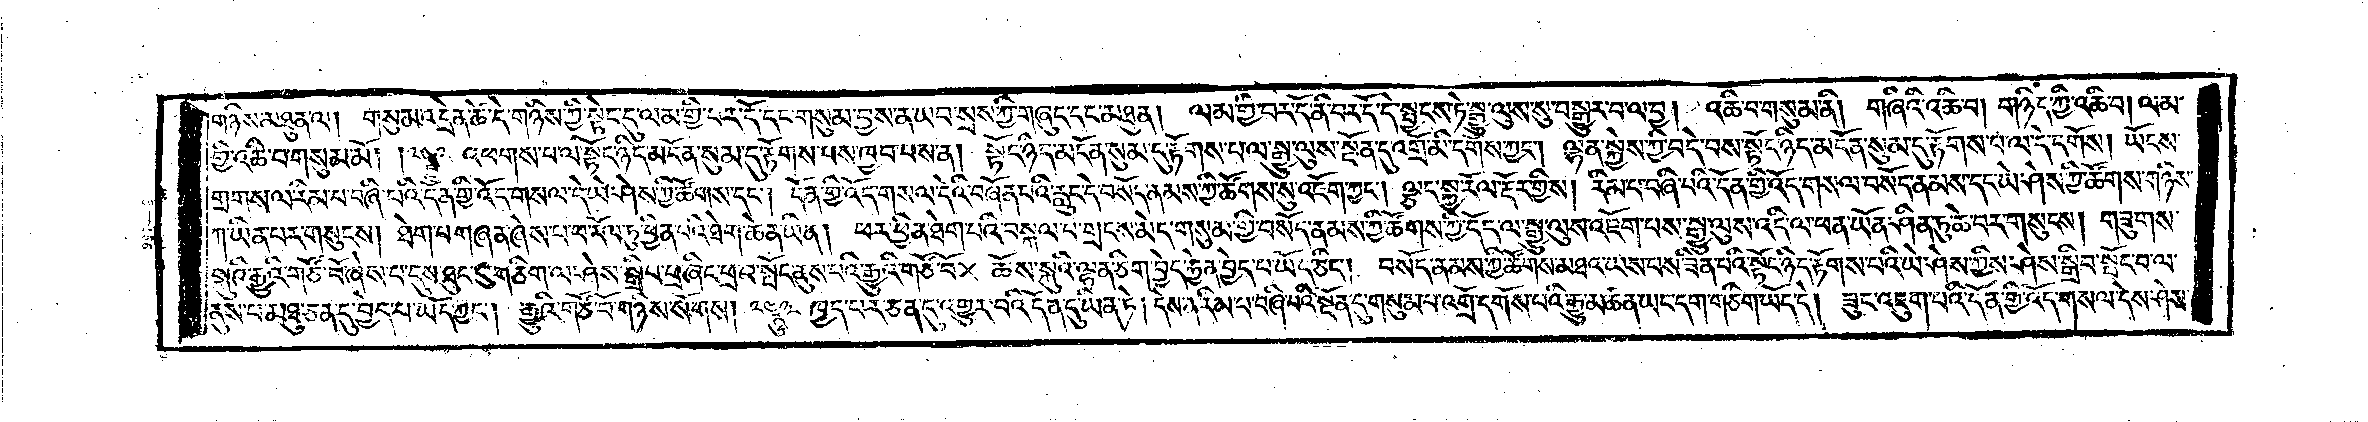གཉིས་མཐུན་ལ། གསུམ་འདྲེན་ཚེ་དེ་གཉིས་ཀྱི་སྟེང་དུ་ལམ་གྱི་པར་དོ་དང་གསུམ་བྱས་ན་ཡབ་སྲས་ཀྱི་གཞུང་དང་མཐུན། ལམ་གྱི་བར་དོ་ནི་བར་དོ་དེ་སྦྱངས་ཏེ་སྒྱུ་ལུས་སུ་བསྒྱུར་བ་ལ་བྱ། འཆི་བ་གསུམ་ནི། གཞིའི་འཆི་བ། གཉིད་ཡི་འཆི་བ། ལམ་
གྱི་འཆི་བ་གསུམ་མོ། །འཕགས་པ་ལ་སྟོང་ཉིད་མངོན་སུམ་དུ་རྟོགས་པས་ཁྱབ་པས་ན། སྟོང་ཉིད་མངོན་སུམ་དུ་རྟོགས་པ་ལ་སྒྱུ་ལུས་སྔོན་དུ་འགྲོ་མི་དགོས་ཀྱང་། ལྷན་སྐྱེས་ཀྱི་བདེ་བས་སྟོང་ཉིད་མངོན་སུམ་དུ་རྟོགས་པ་ལ་དེ་དགོས། ཡོངས་
གྲགས་པ་རིམ་པ་བཞི་པའི་དོན་གྱི་འོད་གསལ་དེ་ཡེ་ཤེས་ཀྱི་ཚོགས་དང་། དོན་གྱི་འོད་གསལ་དེའི་བཞོན་པའི་རླུང་དེ་བསོད་ནམས་ཀྱི་ཚོགས་སུ་འཇོག་ཀྱང་། ལྕང་སྐྱ་རོལ་རྡོར་གྱིས། རིམ་པ་བཞི་པའི་དོན་གྱི་འོད་གསལ་བསོད་ནམས་དང་ཡེ་ཤེས་ཀྱི་ཚོགས་གཉིས་
གཡོན་པར་གསུངས། ཐེག་པ་གཞན་ཞེས་པ་ཕ་རོལ་ཏུ་ཕྱིན་པའི་ཐེག་ཆེན་ཡིན། ཕར་ཕྱིན་ཐེག་པའི་བསྐལ་པ་གྲངས་མེད་གསུམ་གྱི་བསོད་ནམས་ཀྱི་ཚོགས་ཀྱི་དོད་ལ་སྒྱུ་ལུས་འཇོག་པས་སྒྱུ་ལུས་འདི་ལ་ཕན་ཡོན་ཤིན་ཏུ་ཆེ་བར་གསུངས། གཟུགས་
སྐུའི་རྒྱུའི་གཙོ་བོ་ཞེས་པ་དུས་ཐུང་དུ་གཅིག་ལ་ཤེས་སྒྲིབ་ཕྲ་ཞིང་ཕྲ་འོ་སྤོང་ནུས་པའི་རྒྱུའི་གཙོ་བོ྾་ཆོས་སྐུའི་ལྷན་ཅིག་བྱེད་རྐང་བྱེད་པ་ཡོད་ཅིང་། བསོད་ནམས་ཀྱི་ཚོགས་མཐའ་ཡས་བས་ཟིན་པའི་སྟོང་ཉིད་རྟོགས་པའི་ཡེ་ཤེས་ཀྱིས་ཤེས་སྒྲིབ་སྤོང་བ་ལ་
ནུས་པ་མཐུ་ཅན་དུ་བྱེད་པ་ཡོད་ཀྱང་། རྒྱུའི་གཙོ་བོ་གཉིས་སོགས། ༢༤༣ན༧་ཁྱད་པར་ཅན་དུ་འགྱུར་བའི་དོན་དུ་ཡིན་ཏེ། དེས་ན་རིམ་པ་བཞི་པའི་སྔོན་དུ་གསུམ་པ་འགྲོ་དགོས་པའི་རྒྱུ་མཚན་ཡང་དག་གཅིག་ཡོད་དེ། ཟུང་འཇུག་པའི་དོན་གྱི་འོད་གསལ་དེས་ཤེས་